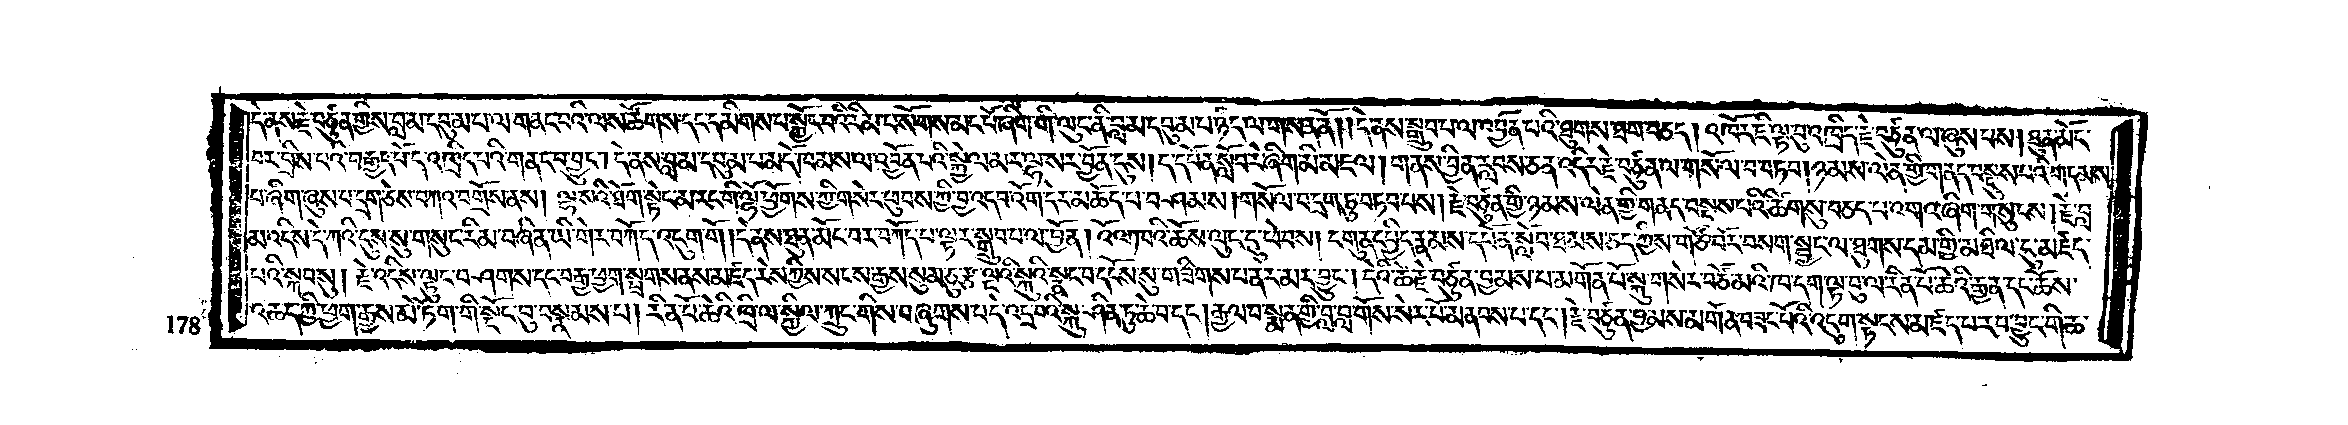དེ་ནས་རྗེ་བཙུན་གྱིས་བླ་མ་དབུ་མ་པ་ལ་གནང་བའི་ལས་ཚོགས་དང་དམིགས་པ་སྐྱོང་བའི་རིམ་པ་སོགས་མང་པོ་ཞིག་གི་ལུང་ནི་བླ་མ་དབུ་མ་པ་ཉིད་ལ་གསན་ནོ། །དེ་ནས་སྒྲུབ་པ་ལ་འབྱོན་པའི་ཐུགས་ཐག་བཅད། འཁོར་ཇི་ལྟ་བུ་འཁྲིད་རྗེ་བཙུན་ལ་ཞུས་པས། ཐུན་མོང་
བར་བྲིས་པའི་བརྒྱད་པོ་ད་འཁྲིད་པའི་གནང་བ་བྱུང་། དེ་ནས་བླ་མ་དབུ་མ་པ་མདོ་ཁམས་ལ་འབྱོན་པའི་སྐྱེལ་མར་ལྷ་སར་བྱོན་དུས། ད་དཔོན་སློབ་རེ་ཞིག་མི་མཇལ། གནས་བྱིན་རླབས་ཅན་འདིར་རྗེ་བཙུན་ལ་གསོལ་བ་བཏབ། ཉམས་ལེན་གྱི་གནད་བསྡུས་པའི་གདམས་
པ་ཞིག་ཞུས་པ་དྲག་ཅེས་བཀའ་བགྲོས་ནས། ལྷ་སའི་ཐོག་སྟེང་མ་རང་གི་ལྷོ་ཕྱོགས་ཀྱི་གསེར་ཕུབས་ཀྱི་བྱ་འདབ་འོག་དེར་མཆོད་པ་བཤམས། གསོལ་བ་དྲག་ཏུ་བཏབ་པས། རྗེ་བཙུན་གྱི་ཉམས་ལེན་གྱི་གནད་བསྔས་པའི་ཚིགས་སུ་བཅད་པ་འགའ་ཞིག་གསུངས། རྗེ་བླ་
མ་འདིས་དེ་ཀའི་དུས་སུ་གསུང་རིམ་བཞིན་ཡི་གེར་བཀོད་འདུག་གོ །དེ་ནས་ཐུན་མོང་བར་བཀོད་པ་ལྟར་སྒྲུབ་པ་ལ་བྱོན། འོལ་ཁའི་ཆོས་ལུང་དུ་ཕེབས། དགུན་དཔྱིད་རྣམས་དཔོན་སློབ་ཐམས་ཅད་ཀྱིས་གཙོ་བོར་བསག་སྦྱང་ལ་ཐུགས་དམ་གྱི་མཐིལ་དུ་མཛད་
པའི་སྐབས་སུ། རྗེ་འདིས་ལྟུང་བཤགས་དང་བརྒྱ་ཕྱག་སྤྲགས་ནས་མཛད་རེས་ཀྱིས་སངས་རྒྱས་སུམ་ཅུ་རྩ་ལྔའི་སྐུའི་སྣང་བ་དངོས་སུ་གཟིགས་པ་ནར་མར་བྱུང་། དེའི་ཚེ་རྗེ་བཙུན་བྱམས་པ་མགོན་པོ་སྐུ་གསེར་བཙོ་མའི་ཁ་དག་ལྟ་བུ་ལ་རིན་པོ་ཆེའི་རྒྱན་དང་ཆོས་
འཆད་ཀྱི་ཕྱག་རྒྱས་མེ་ཏོག་གི་སྡོང་བུ་བསྣམས་པ། རིན་པོ་ཆེའི་ཁྲི་ལ་སྐྱིལ་ཀྲུང་གིས་བཞུགས་པ་དེ་འདྲ་བའི་སྐུ་ཤིན་ཏུ་ཆེ་བ་དང་། རྒྱལ་བ་སྨན་གྱི་བླ་བླ་གོས་སེར་པོ་མན་བས་པ་དང་། རྗེ་བཙུན་བྱམས་མགོན་བཟང་པོའི་འདུག་སྟངས་མཛད་པར་བྱུང་གི་ཆ་